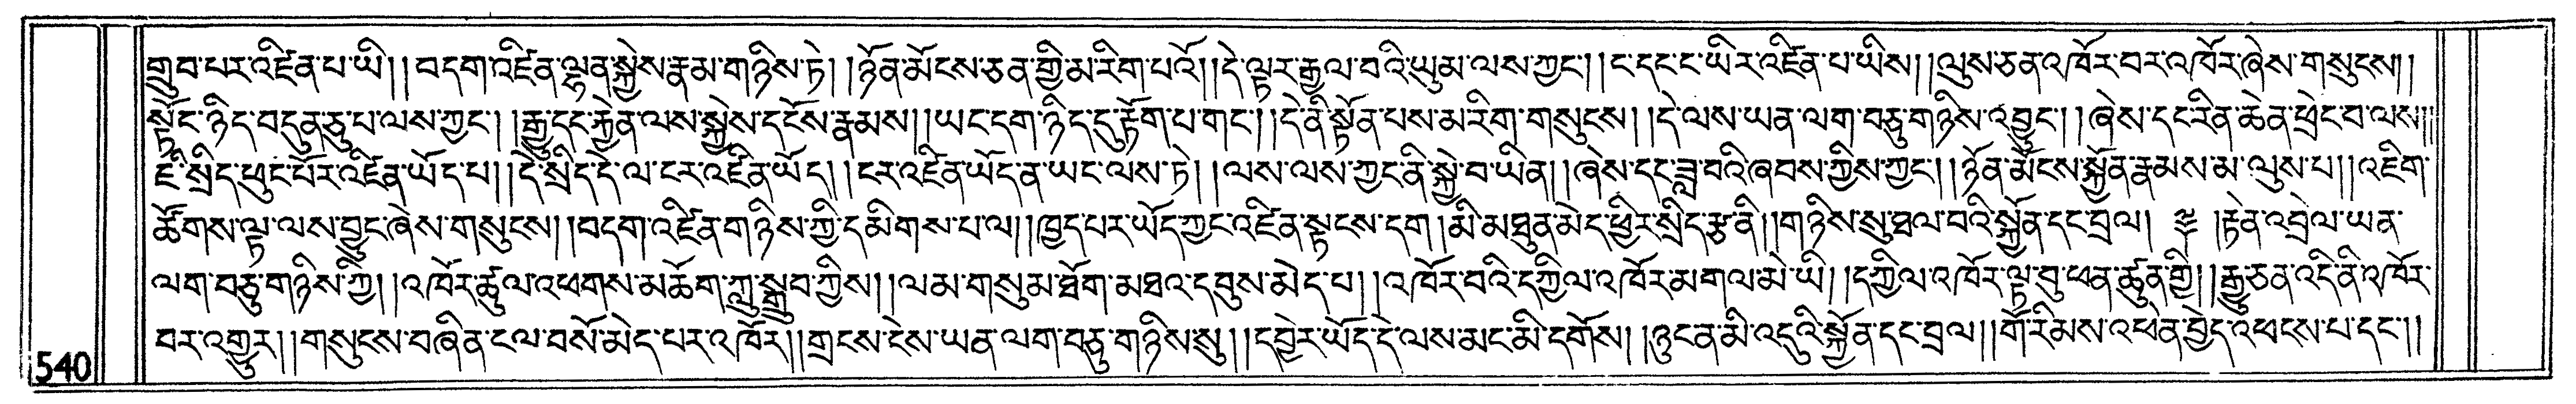གྲུབ་པར་འཛིན་པ་ཡི། །བདག་འཛིན་ལྷན་སྐྱེས་རྣམ་གཉིས་ཏེ། །ཉོན་མོངས་ཅན་གྱི་མ་རིག་པའོ། །དེ་ལྟར་རྒྱལ་བའི་ཡུམ་ལས་ཀྱང་། །ང་དང་ང་ཡིར་འཛིན་པ་ཡིས། །ལུས་ཅན་འཁོར་བར་འཁོར་ཞེས་གསུངས། །
སྟོང་ཉིད་བདུན་ཅུ་པ་ལས་ཀྱང་། །རྒྱུ་དང་རྐྱེན་ལས་སྐྱེས་དངོས་རྣམས། །ཡང་དག་ཉིད་དུ་རྟོག་པ་གང་། །དེ་ནི་སྟོན་པས་མ་རིག་གསུངས། །དེ་ལས་ཡན་ལག་བཅུ་གཉིས་འབྱུང་། །ཞེས་དང་རིན་ཆེན་ཕྲེང་བ་ལས། །
ཇི་སྲིད་ཕུང་པོར་འཛིན་ཡོད་པ། །དེ་སྲིད་དེ་ལ་ངར་འཛིན་ཡོད། །ངར་འཛིན་ཡོད་ན་ཡང་ལས་ཏེ། །ལས་ལས་ཀྱང་ནི་སྐྱེ་བ་ཡིན། །ཞེས་དང་ཟླ་བའི་ཞབས་ཀྱིས་ཀྱང་། །ཉོན་མོངས་སྐྱོན་རྣམས་མ་ལུས་པ། །འཇིག་
ཚོགས་ལྟ་ལས་བྱུང་ཞེས་གསུངས། །བདག་འཛིན་གཉིས་ཀྱི་དམིགས་པ་ལ། །ཁྱད་པར་ཡོད་ཀྱང་འཛིན་སྟངས་དག །མི་མཐུན་མེད་ཕྱིར་སྲིད་རྩ་ནི། །གཉིས་སུ་ཐལ་བའི་སྐྱོན་དང་བྲལ། ༈ །རྟེན་འབྲེལ་ཡན་
ལག་བཅུ་གཉིས་ཀྱི། །འཁོར་ཚུལ་འཕགས་མཆོག་ཀླུ་སྒྲུབ་ཀྱིས། །ལམ་གསུམ་ཐོག་མཐའ་དབུས་མེད་པ། །འཁོར་བའི་དཀྱིལ་འཁོར་མགལ་མེ་ཡི། །དཀྱིལ་འཁོར་ལྟ་བུ་ཕན་ཚུན་གྱི། །རྒྱུ་ཅན་འདི་ནི་འཁོར་
བར་འགྱུར། །གསུངས་བཞིན་ངལ་བསོ་མེད་པར་འཁོར། །གྲངས་ངེས་ཡན་ལག་བཅུ་གཉིས་སུ། །དབྱེར་ཡོད་དེ་ལས་མང་མི་དགོས། །ཉུང་ན་མི་འདུའི་སྐྱོན་དང་བྲལ། །གོ་རིམས་འཕེན་བྱེད་འཕངས་པ་དང་། །